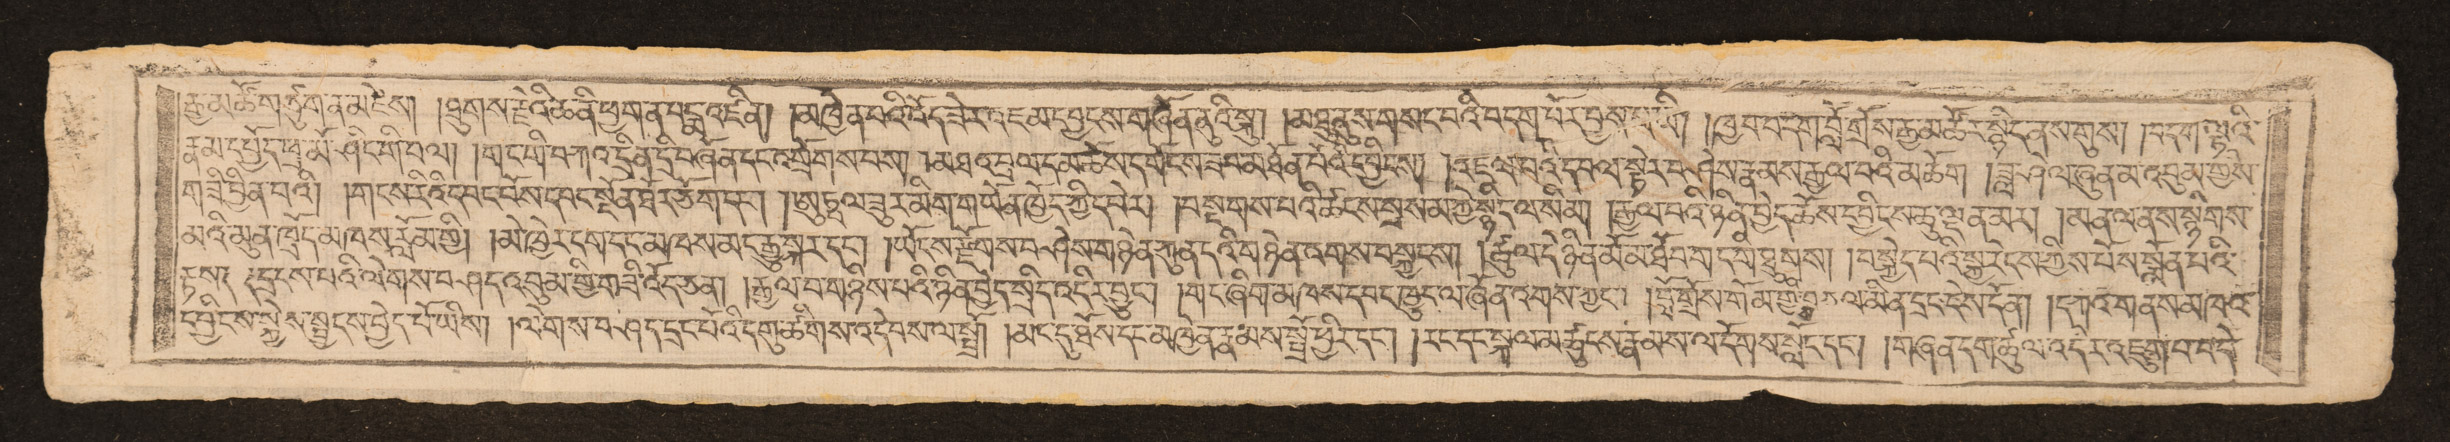རྒྱ་མཚོ་གཙུག་ན་མཛེས་།ཐུགས་རྗེའི་ཆ་ནི་ཕྱག་ན་པདམ་འཛིན། །མཁྱེན་པའི་འོད་ཟེར་འཇམ་དབྱངས་གཞོན་ནུའི་སྐུ། །མཐུ་ནུས་གསང་བའི་བདག་པོར་བྱས་པ་ཡི། །ཁྱབ་བདག་བློ་གྲོས་རྒྱ་མཚོར་སྙིང་ནས་གུས། །བདག་ལྟའི་
རྣམ་དཔྱོད་ཕྲ་མོ་ཤིང་གི་བལ། །གང་གི་བཀའ་དྲིན་དྲི་བཞོན་དང་འགྲོགས་པས། །མཐའ་བྲལ་དམ་ཆོས་དགོངས་ཟབ་མཐོན་པོའི་དབྱིངས། །འཇལ་པའི་དཔལ་སྟེར་བཤེས་རྣམས་རྒྱལ་བའི་མཆོག །ཟླ་ཤེལ་ཞུན་མ་འབུམ་གྱིས་
གཟི་བྱིན་པའི། །གངས་རིའི་དབང་པོས་དབང་སྔོན་ཐོར་ཅོག་དང་། །ཨུཏྤལ་ཟུར་མིག་གཡོ་ན་ཁྱོད་ཀྱི་དཔེར། །བསྔགས་པའི་ཚངས་སྲས་མ་ཀྱེ་སྙིང་ལ་སིམ། །རྒྱལ་བའི་ཉིན་བྱེད་ཆོས་དབྱིངས་ཆུ་ལྡན་མར། །མནལ་ནས་སྙིགས་
མའི་མུན་ཁྲོད་མཁས་རློམ་གྱི། །མེ་ཁྱེར་དག་དང་མཁས་མང་རྒྱུ་སྐར་དང་། །ཡོངས་རྫོགས་བཤེས་གཉེན་ཀུན་དའི་གཉེན་འགས་བསྐྱངས། །ཚུལ་དེ་ཉིན་མོ་མ་ཐོབ་གང་གི་ཐུགས། །བསྐྱེད་པའི་སྐྱ་རེངས་ཀྱིས་བོས་སྨོན་པའི་
རྟས༑ ༑དྲངས་པའི་ལེགས་བཤད་འབུམ་གྱི་གཟི་འོད་ཅན། །རྒྱལ་བ་གཉིས་པའི་ཉིན་བྱེད་སྲིད་འདིར་བྱུང་། །གང་ཞིག་མཁས་དབང་ཁྱུང་ལ་ཞོན་འགས་ཀྱང་། །བློ་གྲོས་གོམ་གྱིས་བཅལ་མིན་དྲང་ངེས་དོན། །དཀའ་གནས་མཁའ་
དབྱིངས་སྐྱེས་སྦྱངས་བྱེད་པོ་ཡིས། །ལེགས་བཤད་དྲང་པོའི་དགུ་ཚིགས་འདེབས་ལ་སྤྲོ། །མང་དུ་ཐོས་དང་མཁྱེན་རྣམས་སྤྲོ་ཕྱིར་དང་། །རང་དང་སྐལ་མཚུངས་རྣམས་ལ་དོགས་སློང་དང་། །གཞན་དག་ཚུལ་འདིར་འཇུག་པ་བདེ་